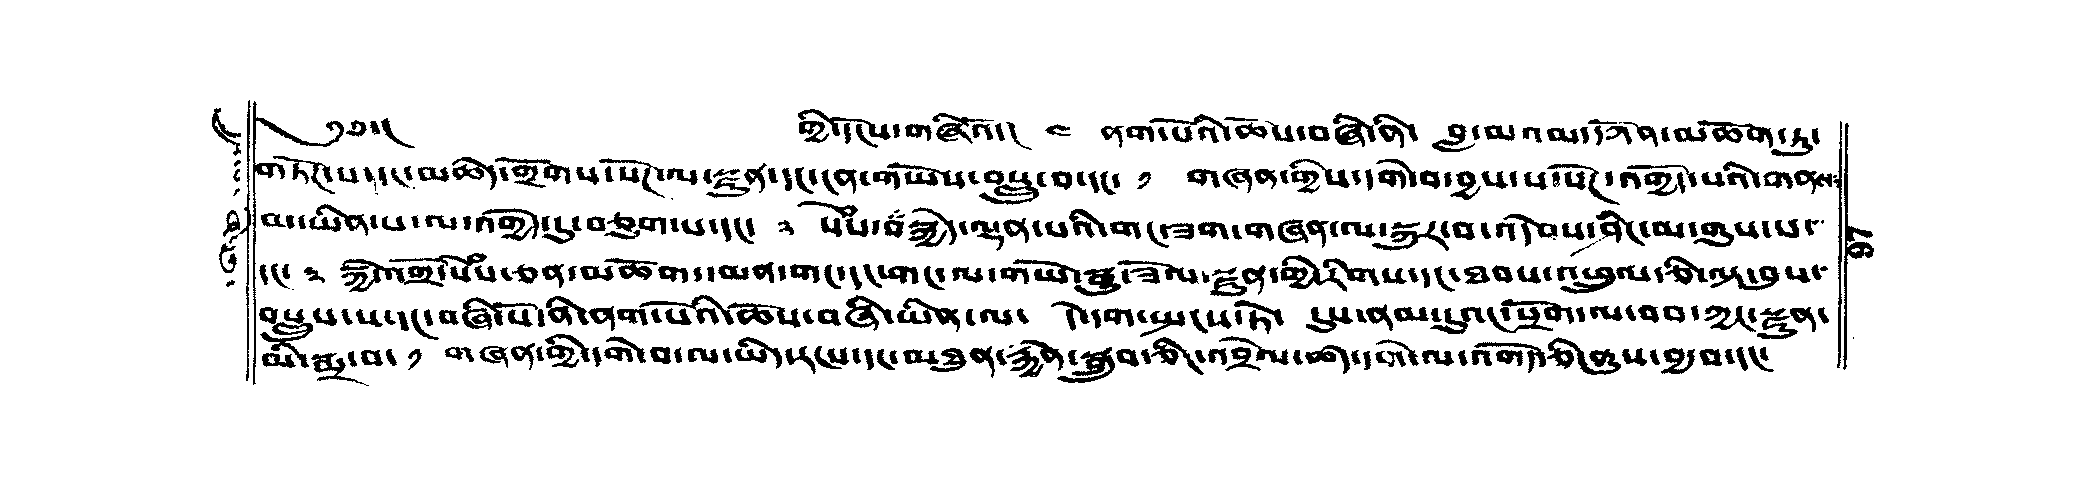གྱི་དངོས་གཞིའོ། ནག་པོའི་ཆོས་བཞི་ནི། བླ་མའམ་དཀོན་མཆོག་ཏུ་
གཏོགས་པ་དང་མཆེད་གྲོགས་སོགས་ལ་རྫུན་དག་ངན་གཡོས་བསླུ་བ་དང་། གཞན་གྱིས་དགེ་བ་བྱས་པ་སོགས་འགྱོད་པའི་གནས་
མ་ཡིན་པ་ལ་འགྱོད་དུ་བཅུག་པ་དང་། སེམས་སྐྱེད་ལྡན་པའི་གང་ཟག་གཞན་ལ་སྐུར་བ་འདེབས་ཤིང་མ་གུས་པ་
དང་། སྐྱེ་འགྲོ་སེམས་ཅན་མཆོག་དམན་གང་དང་གང་ལ་གཡོ་སྒྱུ་ཟོལ་རྫུན་གྱི་རིགས་དང་ཐབས་འཕྲུལ་རྩི་ལྟ་བུས་
བསླུས་པ་དག་བཞི་པོ་ནི་ནག་པོའི་ཆོས་བཞི་ཡིན་ལ། དེ་དག་སྤངས་ཏེ། དུས་ནམ་དུའང་སྲོག་ལ་བབ་ཀྱང་རྫུན་
མི་སྨྲ་བ། གཞན་གྱི་དགེ་བ་ལ་ཡིད་རངས་དང་མཐུན་རྐྱེན་སྒྲུབ་ཅིང་འབྲེལ་ཚད་དགེ་ལ་འགོད་ཅི་ནུས་བྱ་བ་དང་།